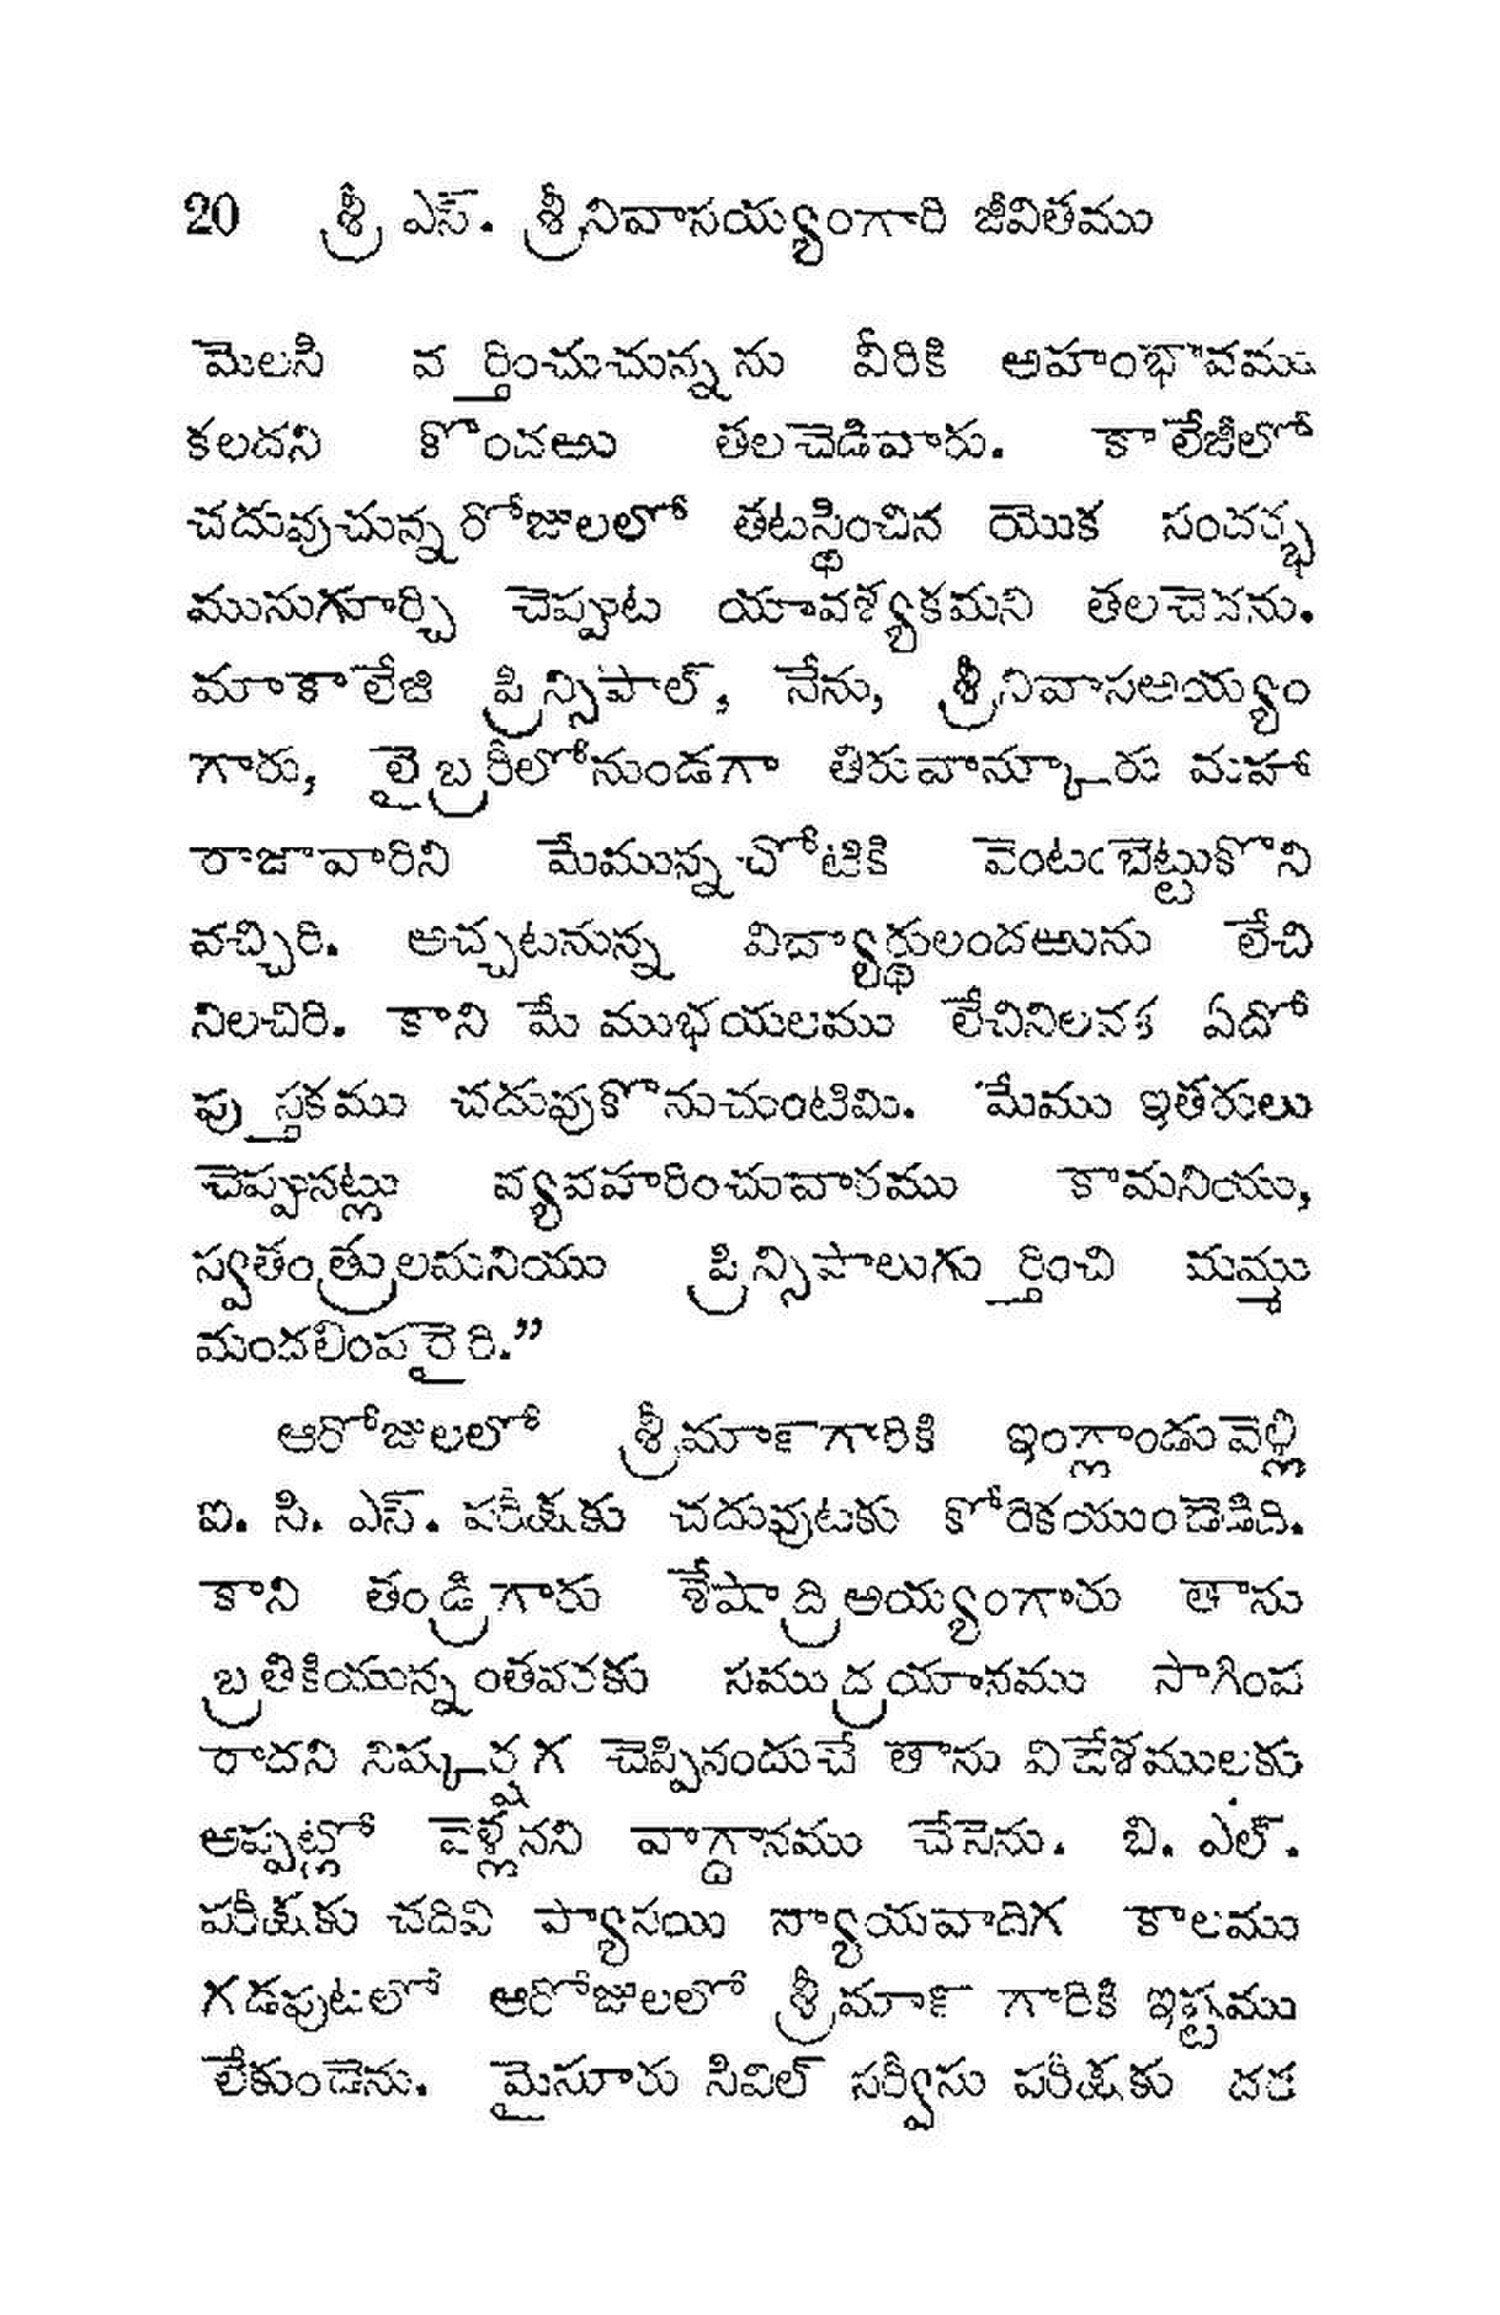మెలసి వర్తించుచున్నను వీరికి అహంభావము కలదని కొందఱు తలచెడివారు. కాలేజీలో చదువుచున్నరోజులలో తటస్థించిన యొక సందర్భమునుగూర్చి చెప్పుట యావశ్యకమని తలచెదను. మాకాలేజి ప్రిన్సిపాల్, నేను, శ్రీనివాసఅయ్యంగారు, లైబ్రరీలోనుండగా తిరువాన్కూరు మహారాజావారిని మేమున్నచోటికి వెంటఁబెట్టుకొని వచ్చిరి. అచ్చటనున్న విద్యార్థులందఱును లేచి నిలచిరి. కాని మే ముభయలము లేచినిలవక ఏదో పుస్తకము చదువుకొనుచుంటిమి. మేము ఇతరులు చెప్పునట్లు వ్యవహరించువారము కామనియు, స్వతంత్రులమనియు ప్రిన్సిపాలుగుర్తించి మమ్ము మందలింపరైరి."

ఆరోజులలో శ్రీమా౯గారికి ఇంగ్లాండువెల్లి ఐ. సి. ఎస్. పరీక్షకు చదువుటకు కోరికయుండెడిది. కాని తండ్రిగారు శేషాద్రిఅయ్యంగారు తాను బ్రతికియున్నంతవరకు సముద్రయానము సాగింపరాదని నిష్కర్షగా చెప్పినందుచే తాను విదేశములకు అప్పట్లో వెళ్లనని వాగ్దానము చేసెను. బి. ఎల్. పరీక్షకు చదివి ప్యాసయి న్యాయవాదిగ కాలము గడపుటలో ఆరోజులలో శ్రీమా౯ గారికి ఇష్టము లేకుండెను. మైసూరు సివిల్ సర్వీసు పరీక్షకు దర